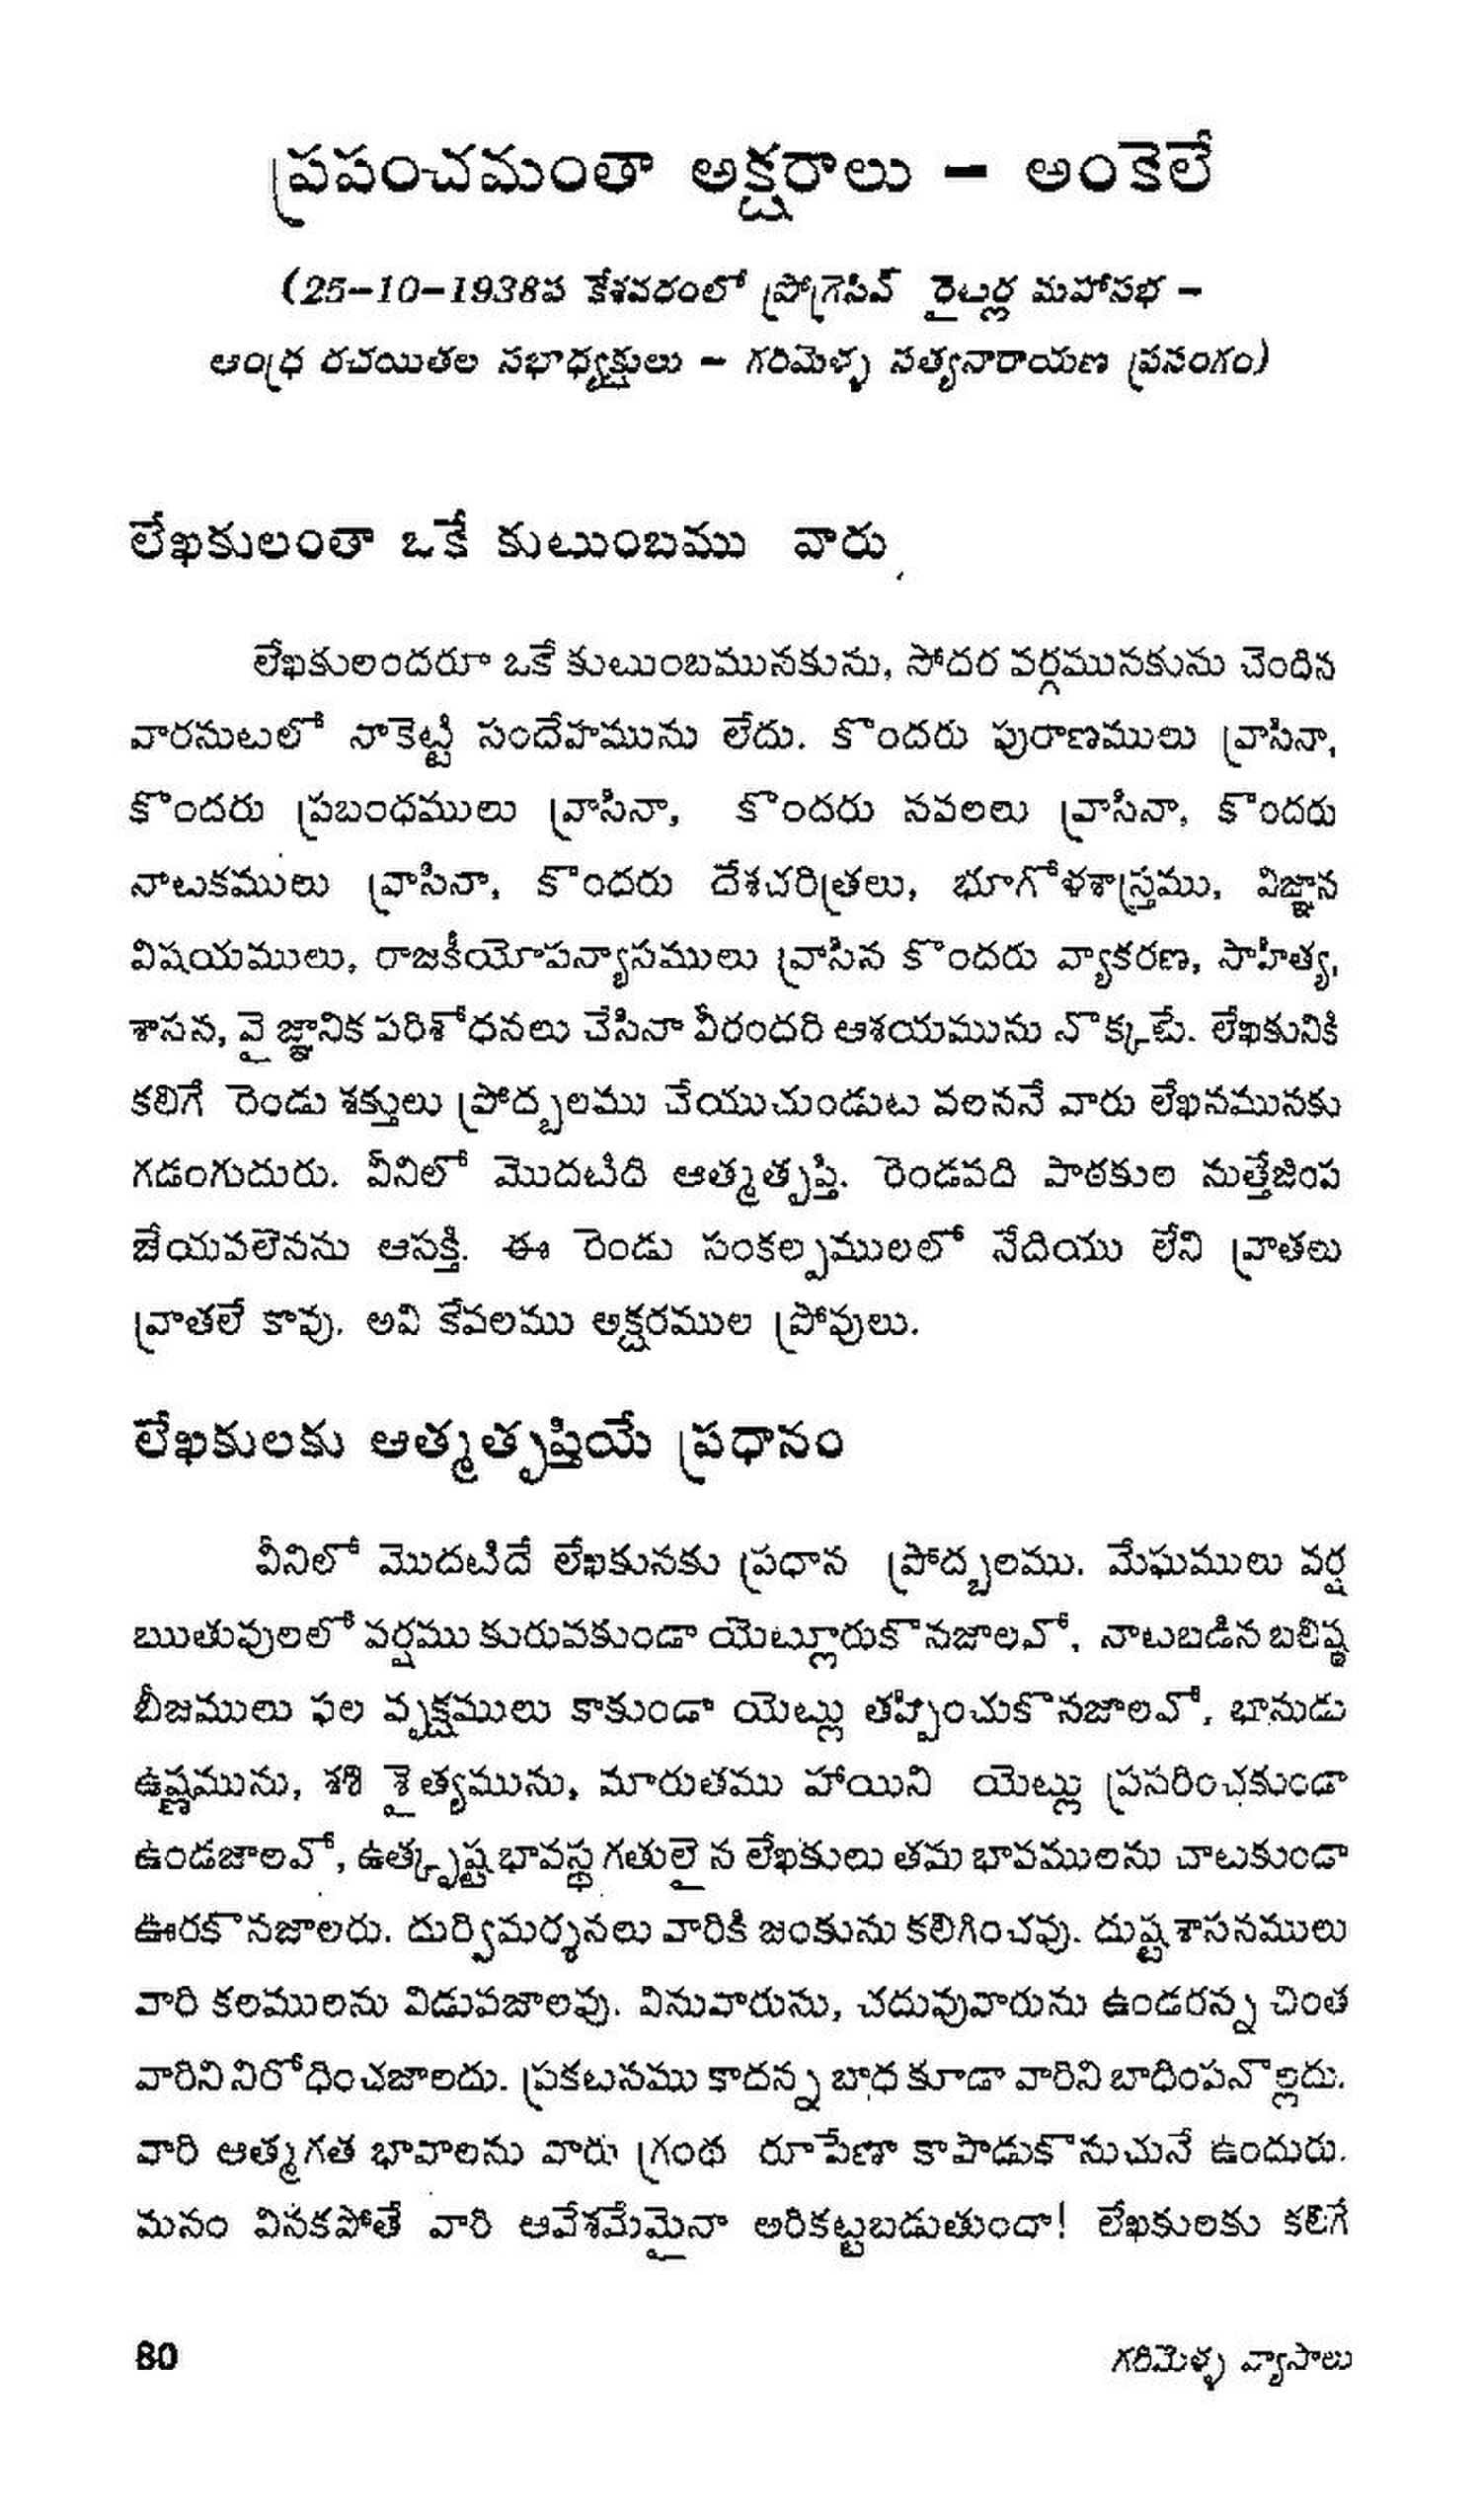ప్రపంచమంతా అక్షరాలు - అంకెలే

లేఖకులంతా ఒకే కుటుంబము వారు

లేఖకులందరూ ఒకే కుటుంబమునకును, సోదర వర్గమునకును చెందిన వారనుటలో నాకెట్టి సందేహమును లేదు. కొందరు పురాణములు వ్రాసినా, కొందరు ప్రబంధములు వ్రాసినా, కొందరు నవలలు వ్రాసినా, కొందరు నాటకములు వ్రాసినా, కొందరు దేశచరిత్రలు, భూగోళశాస్త్రము, విజ్ఞాన విషయములు, రాజకీయోపన్యాసములు వ్రాసిన కొందరు వ్యాకరణ, సాహిత్య, శాసన, వైజ్ఞానిక పరిశోధనలు చేసినా వీరందరి ఆశయమును నొక్కటే. లేఖకునికి కలిగే రెండు శక్తులు ప్రోద్బలము చేయుచుండుట వలననె వారు లేఖనమునకు నడంగుదురు. వీనిలో మొదటిది ఆత్మతృప్తి. రెండవది పాఠకుల నుత్తేజింప జేయవలెనను ఆసక్తి. ఈ రెండు సంకల్పములలో నేదియు నేదియు లేని వ్రాతలు వ్రాతలే కావు. అవి కేవలము అక్షరముల ప్రోవులు.

లేఖకులకు ఆత్మతృప్తియే ప్రధానం

వీనిలో మొదటిదే లేఖకునకు ప్రధాన ప్రోద్బలము. మేఘములు వర్షఋతువులలో వర్షము కురువకుండా యెట్లూరుకొనజాలవో, నాటబడిన బలిష్ఠ బీజములు ఫల వృక్షములు కాకుండా యెట్లు తప్పించుకొనజాలవో, భానుడు ఉష్ణమును, శశి శైత్యమును, మారుతము హాయిని యెట్లు ప్రసరించకుండా ఉండజాలవో, ఉత్కృష్టభావస్థ గతులైన లేఖకులు తమ భావములను చాటకుండా ఊరుకొనజాలరు. దుర్విమర్శనలు వారికి జంకును కలిగించవు. దుష్టశాసనములు వారి కలములను విడువజాలవు. వినువారును, చదువువారును ఉండరన్న చింత వారిని నిరోధించజాలదు. ప్రకటనము కాదన్న భాధకూడా వారిని బాధింపనొల్లదు. వారి ఆత్మగత భావాలను వారు గ్రంథ రూపేణా కాపాడుకొనుచునే ఉందురు. మనం వినకపోతే వారి ఆవేశమేమైనా అరికట్టబడుతుందా! లేఖకులకు కలిగే